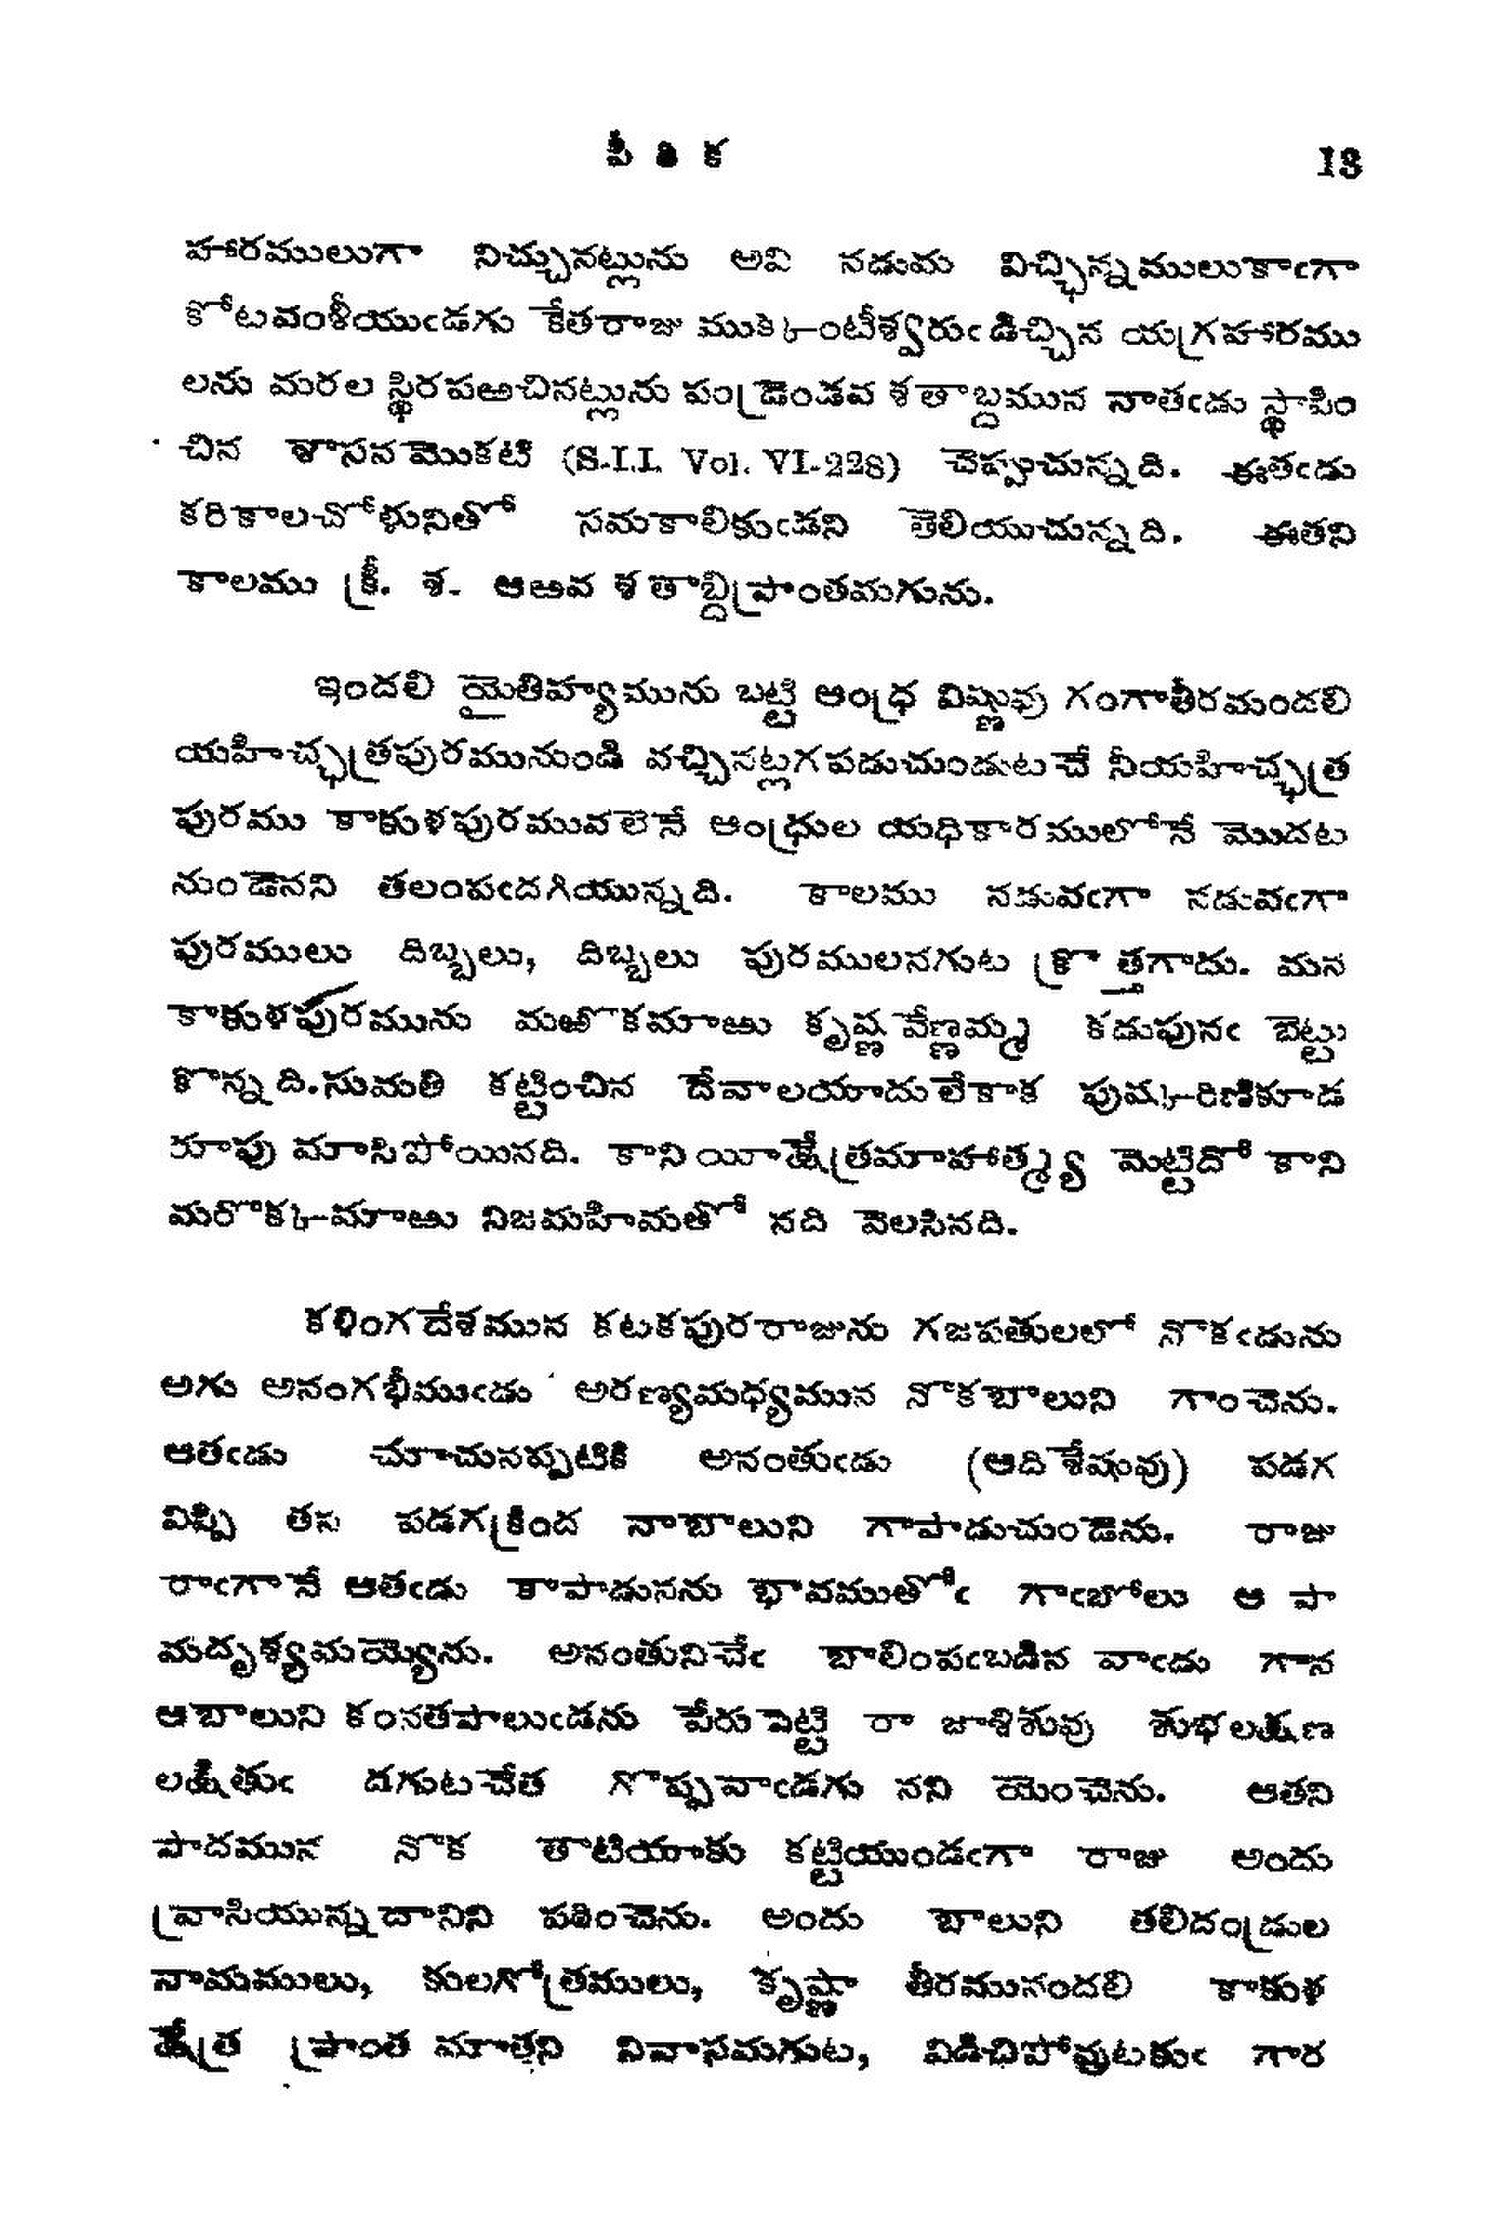హారములుగా నిచ్చునట్లును అవి నడుమ విచ్ఛిన్నములుకాఁగా కోటవంశీయుఁడగు కేతరాజు ముక్కంటీశ్వరుఁ డిచ్చిన యగ్రహారములను మరల స్థిరపఱచినట్లును పండ్రెండవ శతాబ్దమున నాతఁడు స్థాపించిన శాసన మొకటి (S.I.I. Vol. VI-228) చెప్పుచున్నది. ఈతఁడు కరికాలచోళునితో సమకాలికుడని తెలియుచున్నది.ఈతని కాలము క్రీ. శ. ఆఱవ శతాబ్ది ప్రాంతమగును.

ఇందలి యైతిహ్యమును బట్టి ఆంధ్ర విష్ణువు గంగాతీరమండలి యహిచ్ఛత్రపురమునుండి వచ్చినట్లగ పడుచుండుటచే నీయహిచ్ఛత్రపురము కాకుళపురమువలెనే ఆంధ్రుల యధికారములోనే మొదట నుండెనని తలంపఁదగియున్నది. కాలము నడువఁగా నడువఁగా పురములు దిబ్బలు, దిబ్బలు పురములనగుట క్రొత్తగాదు. మన కాకుళపురమును మఱొ కమాఱు కృష్ణ వేణ్ణమ్మ కడుపునఁ బెట్టుకొన్నది. సుమతి కట్టించిన దేవాలయాదులేకాక పుష్కరిణికూడ రూపు మాసిపోయినది. కాని యీ క్షేత్రమాహాత్మ్య మెట్టిదో కాని మరొక్కమాఱు నిజమహిమతో నది వెలసినది.

కళింగదేశమున కటకపురరాజును గజపతులలో నొకఁడును అగు అనంగభీముఁడు అరణ్యమధ్యమున నొక బాలుని గాంచెను.
ఆతఁడు చూచునప్పటికి అనంతుఁడు (ఆదిశేషువు పడగవిప్పి తన పడగక్రింద నాబాలుని గాపాడుచుండెను. రాజు
రాగానే ఆతఁడు కాపాడునను భావముతోఁ గాఁబోలు ఆపామదృశ్యమయ్యెను. అనంతునిచే బాలింపఁబడిన వాఁడు గాన
ఆబాలుని కంసతపాలుఁడను పేరు పెట్టి రాజాశిశువు శుభలక్షణ లక్షితుఁ డగుటచేత గొప్పవాఁడగు నని యెంచెను. ఆతని
పాదమున నొక తాటియాకు కట్టియుండఁగా రాజు అందు వ్రాసియున్న దానిని పఠించెను. అందు బాలుని తలిదండ్రుల
నామములు, కులగోత్రములు, కృష్ణా తీరమునందలి కాకుళ క్షేత్ర ప్రాంత మాతని నివాసమగుట, విడిచిపోవుటకుఁ గార